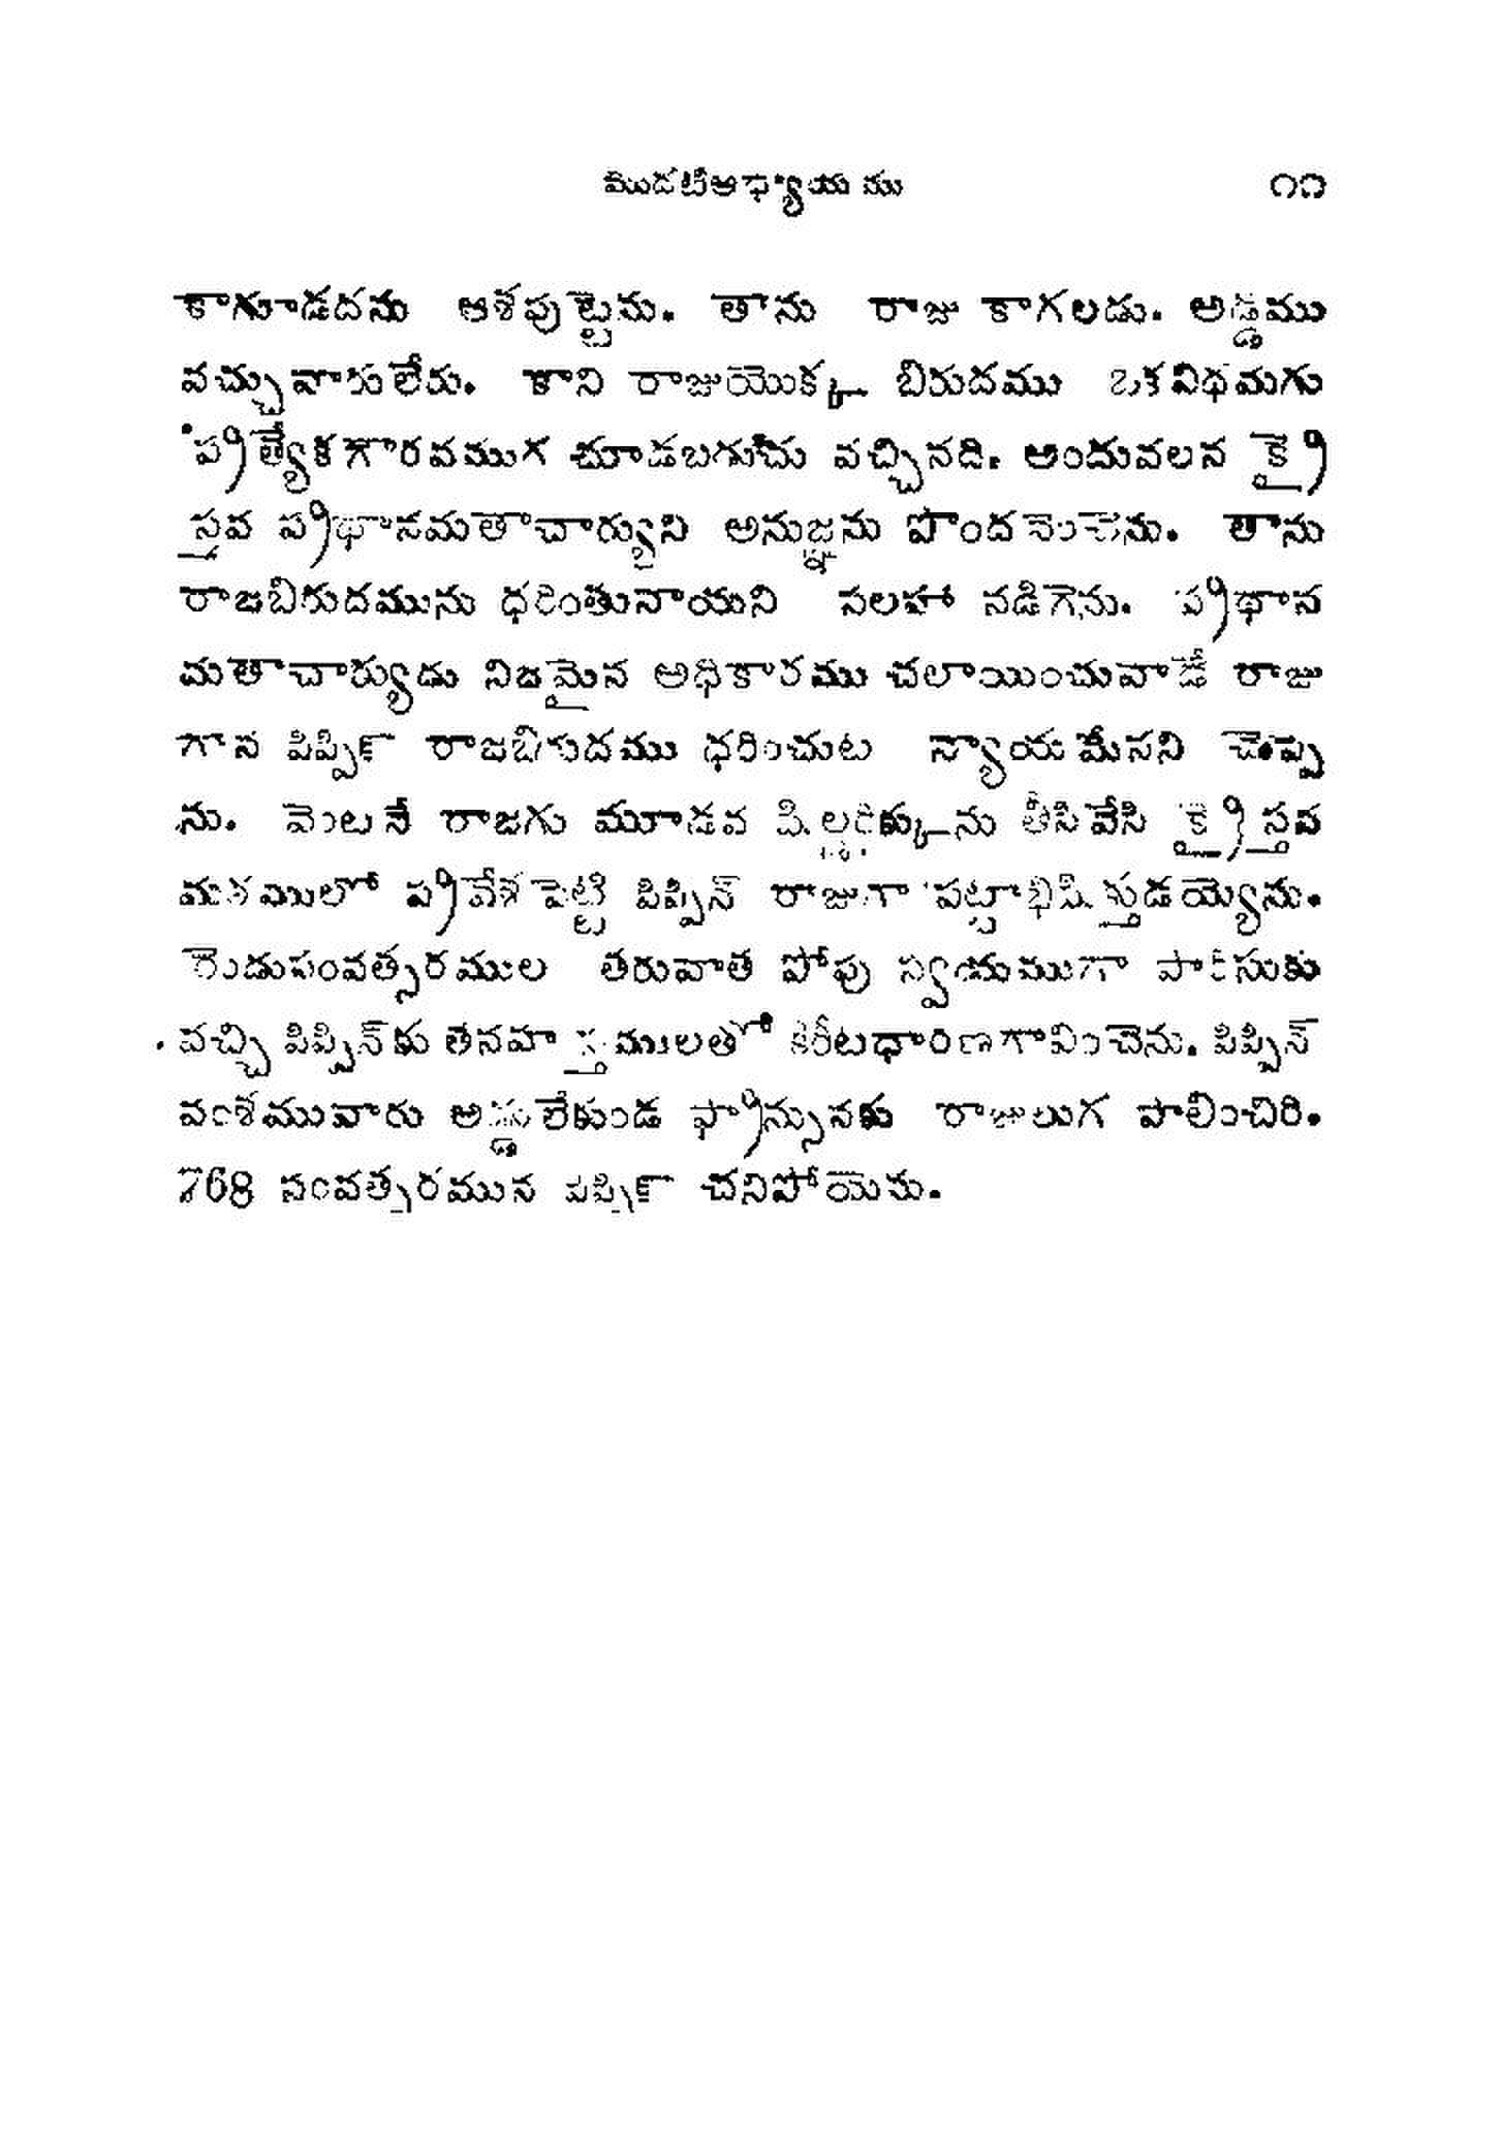కాగూడదను ఆశపుట్టెను. తాను రాజు కాగలడు. 
అడ్డము వచ్చు వారు లేరు. కాని రాజు యొక్క బిరుదము ఒక విధమగు
'ప్రత్యేక గౌరవముగ చూడబడుచు వచ్చినది. అందువలన క్రై
స్తవ ప్రధానమతాచార్యుని అనుజ్ఞను పొందనెంచెను. తాను
రాజ బిరుదమును ధరింతునాయని సలహా నడిగెను. '
ప్రధాన మతాచార్యుడు నిజమైన అధికారము చలాయించువాడే రాజు
గాన పిప్పిన్ రాజబిరుదము ధరించుట న్యాయ మేనని చెప్పె
ను. మెటనే రాజగు మూడవ పిల్టరిక్కును తీసి వేసి క్రైస్తవ
మతములో ప్రవేశ పెట్టి పిప్పిన్ రాజుగా పట్టాభిషిక్తుడయ్యెను.
రెండుసంవత్సరముల తరువాత పోపు స్వయముగా పారిసుకు
వచ్చి పిప్పిన్ కు తేనహస్తములతో కిరీటధారణగావించెను. పిప్పీన్
వంశమువారు అడ్డు లేకుండ ఫ్రాన్సునకు రాజులుగ పాలించిరి.
768 సంవత్సరమున పప్పిన్ చనిపోయెను.